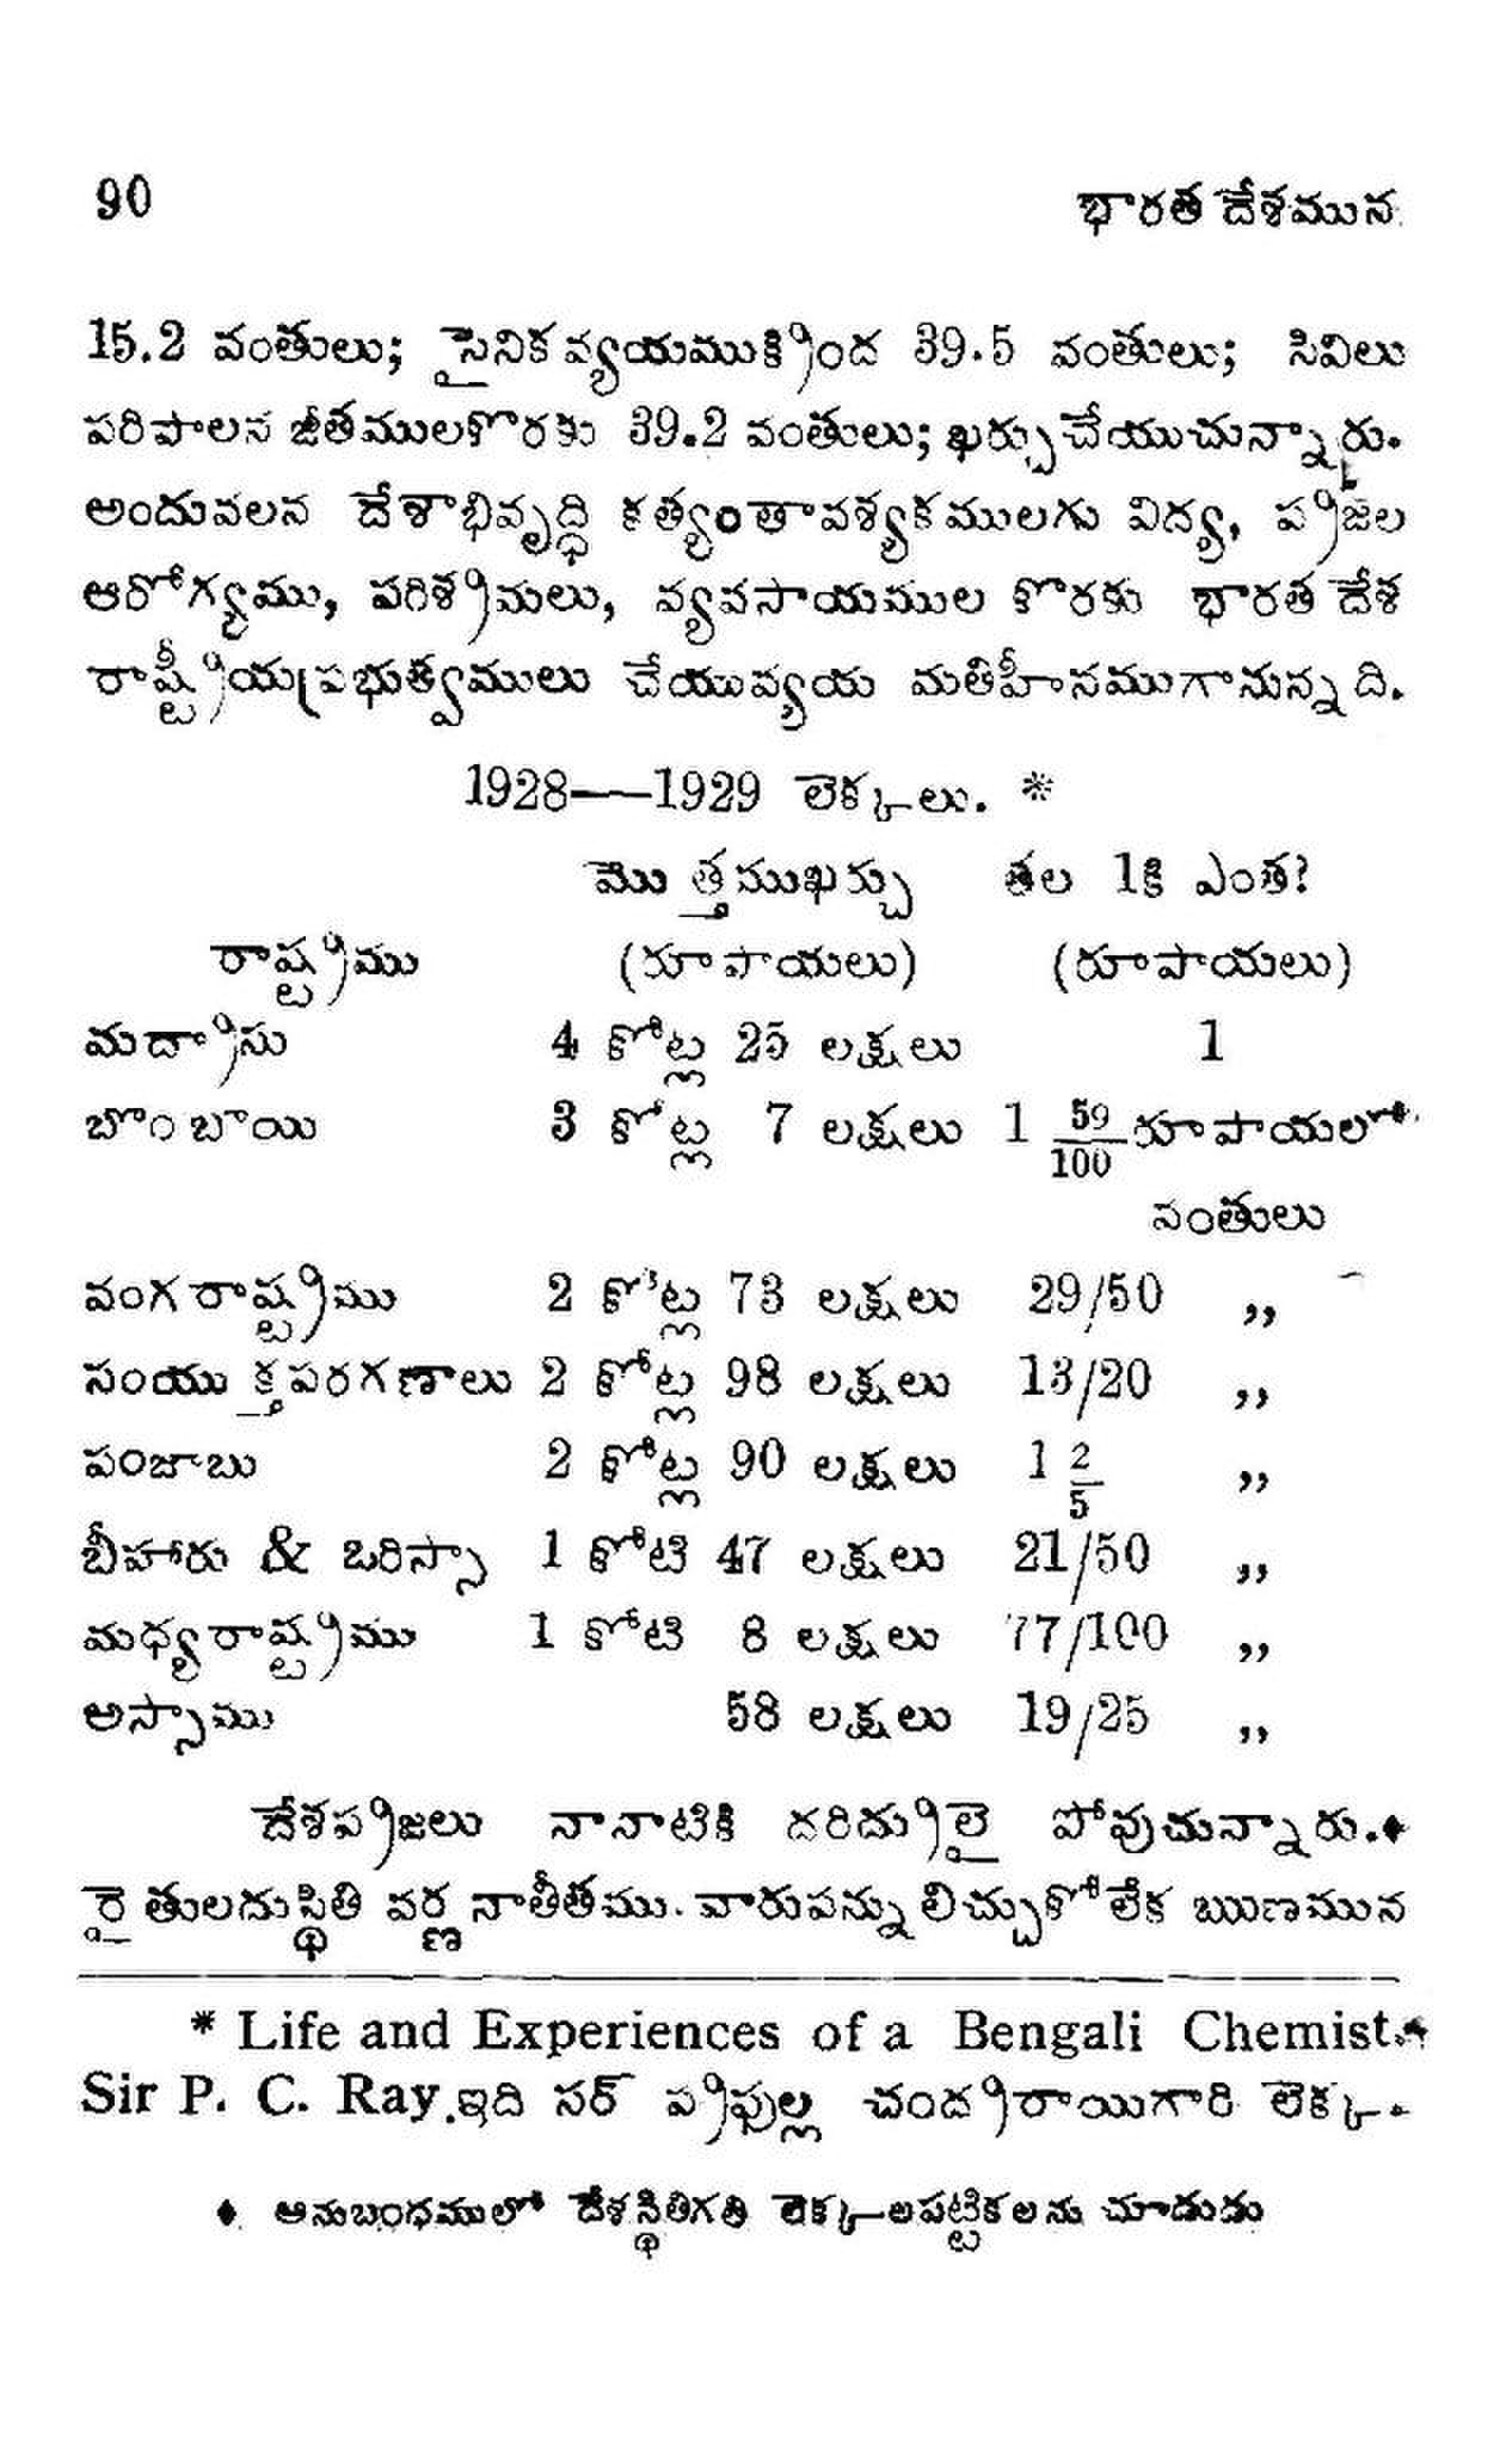15.2 వంతులు; సైనికవ్యయముక్రింద 39.5 వంతులు; సివిలు పరిపాలన జీతములకొరకు 39.2 వంతులు; ఖర్చుచేయుచున్నారు. అందువలన దేశాభివృద్ధి కత్యంతావశ్యకములగు విద్య, ప్రజల ఆరోగ్యము, పరిశ్రమలు, వ్యవసాయముల కొరకు భారతదేశ రాష్ట్రీయప్రభుత్వములు చేయువ్యయ మతిహీనముగానున్నది.

1928-1929 లెక్కలు

మొత్తముఖర్చు తల 1కి ఎంత?

 రాష్ట్రము (రూపాయలు) (రూపాయలు) మద్రాసు 4 కోట్ల 25 లక్షలు 1 బొంబాయి 3 కోట్ల 7 లక్షలు 1 59/100 రూపాయలో వంతులు వంగరాష్ట్రము 2 కోట్ల 73 లక్షలు 29/50 రూపాయలో వంతులు సంయుక్తపరగణాలు 2 కోట్ల 98 లక్షలు 13/20 రూపాయలో వంతులు పంజాబు 2 కోట్ల 90 లక్షలు 1 2/5 రూపాయలో వంతులు బీహారు & ఒరిస్సా 1 కోటి 47 లక్షలు 21/50 రూపాయలో వంతులు మధ్యరాష్ట్రము 1 కోటి 8 లక్షలు 77/100 రూపాయలు వంతులు అస్సాము 58 లక్షలు 19/25 రూపాయలో వంతులు

దేశప్రజలు నానాటికి దరిద్రులై పోవుచున్నారు. రైతులదుస్థితి వర్ణనాతీతము. వారుపన్ను లిచ్చుకోలేక ఋణమున